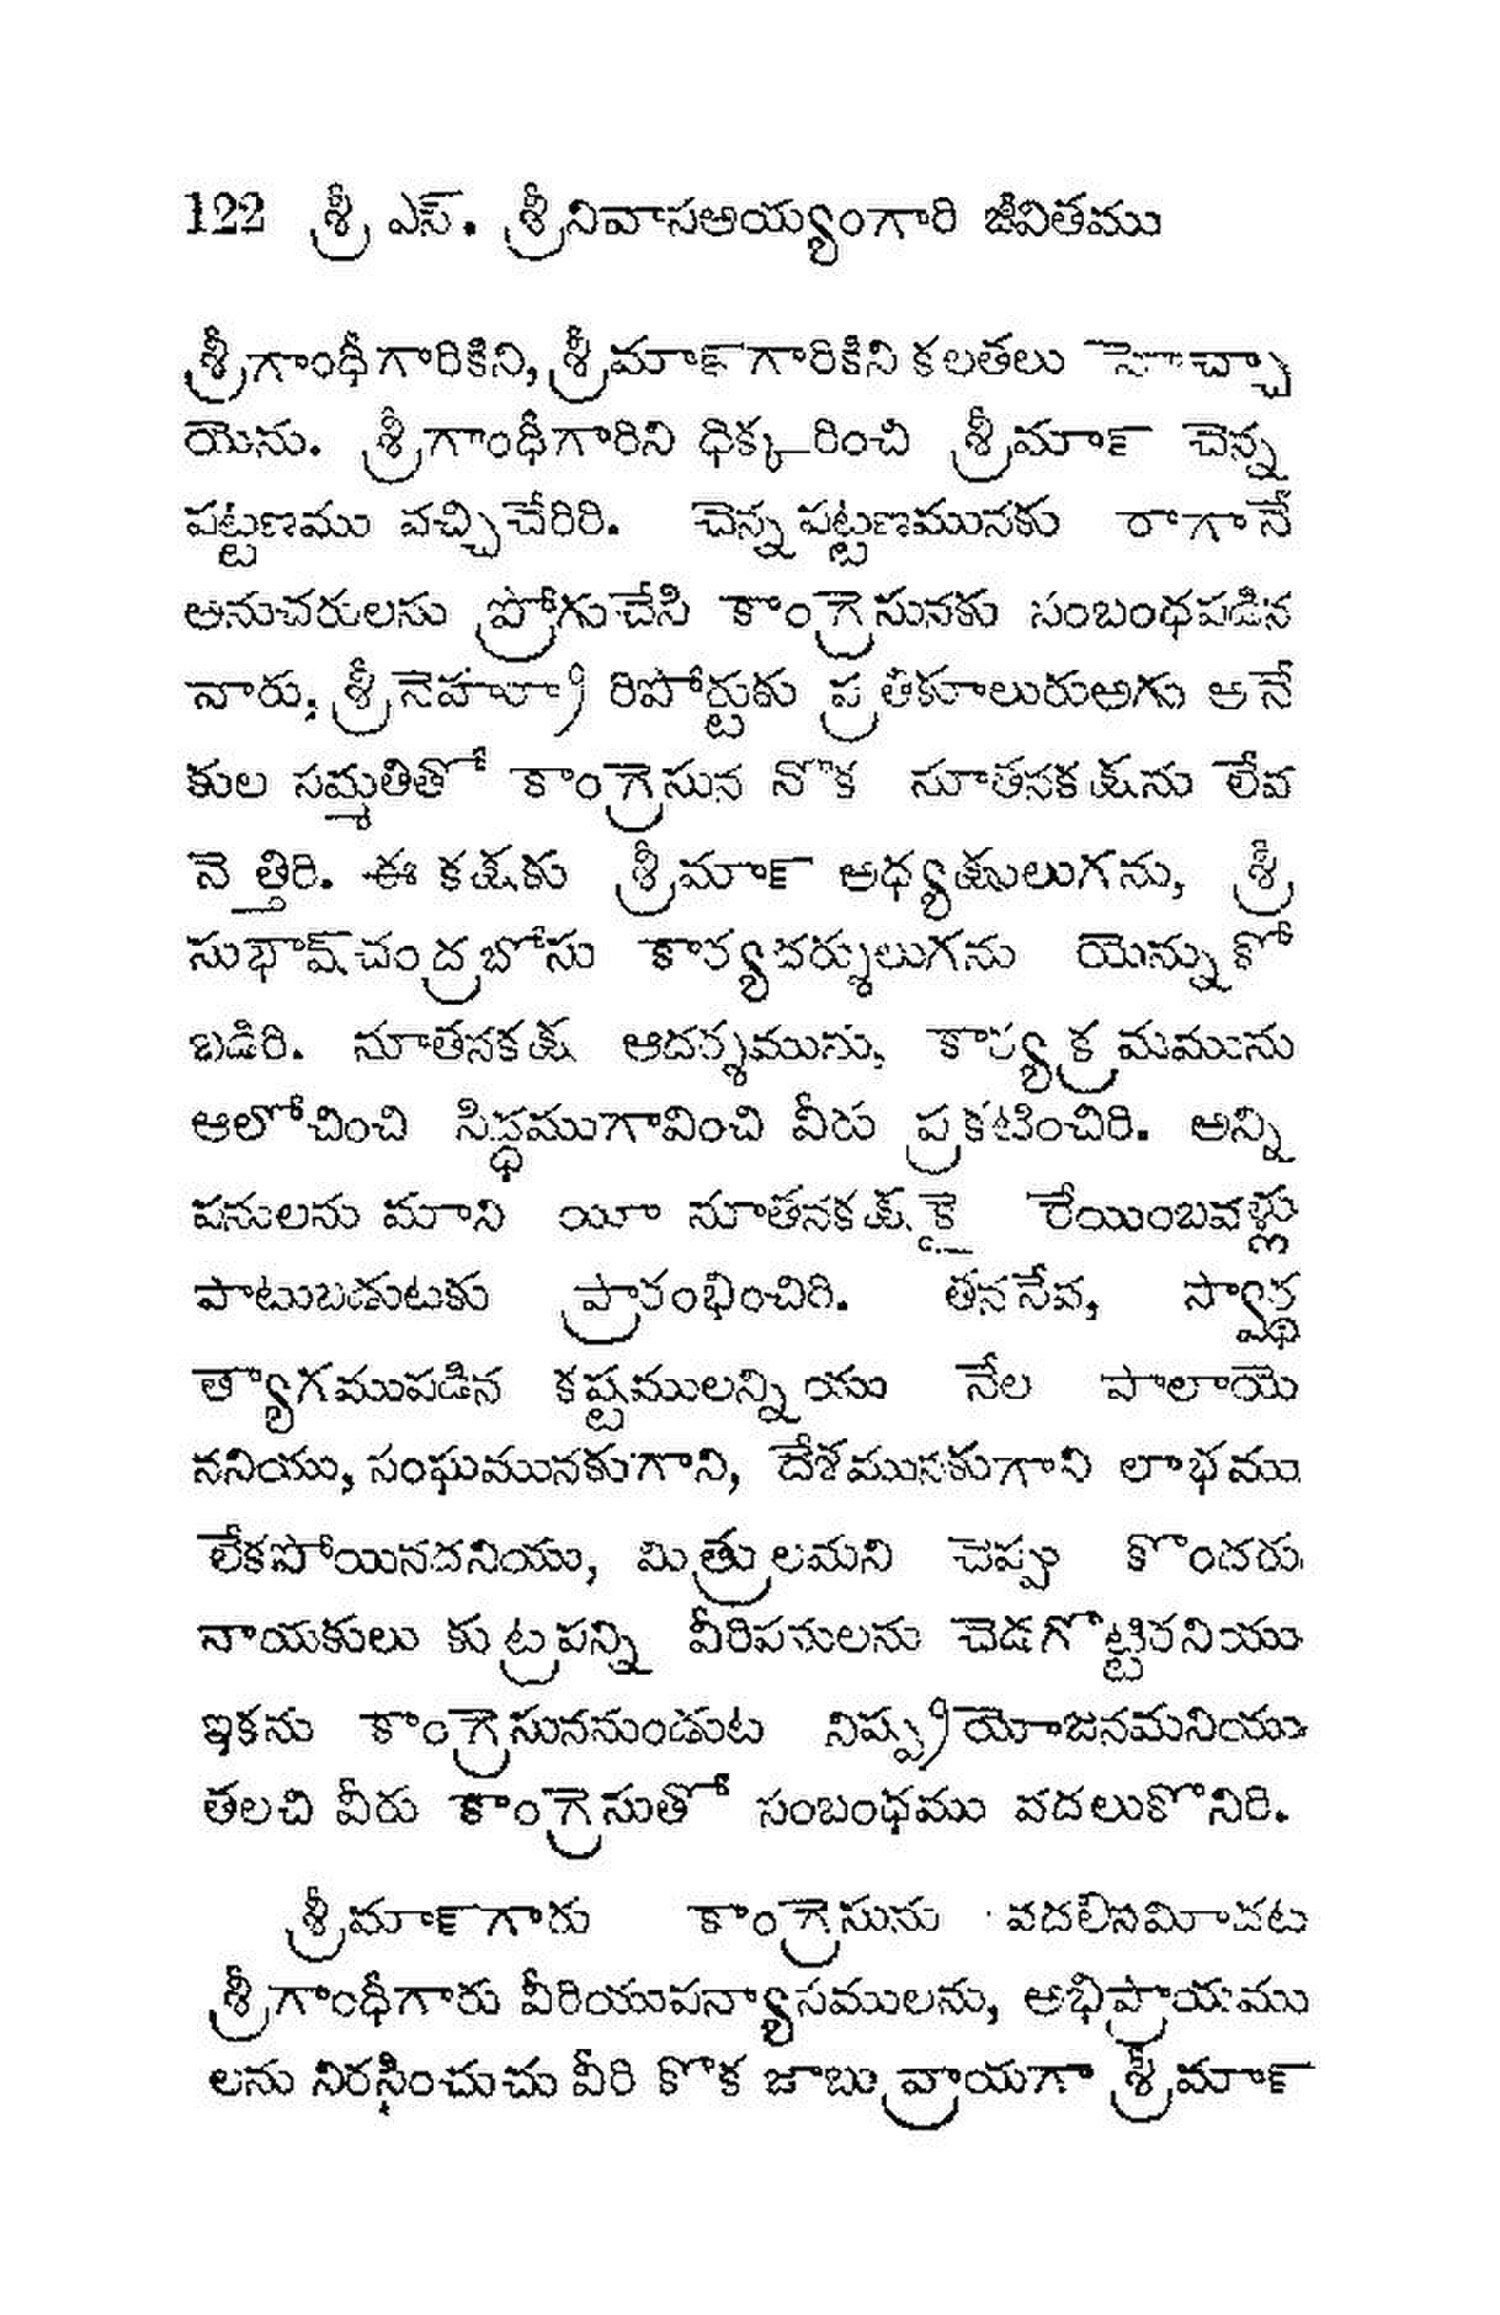శ్రీగాంధీగారికిని, శ్రీమా౯గారికిని కలతలు హెచ్చాయెను. శ్రీగాంధీగారిని ధిక్కరించి శ్రీమా౯ చెన్నపట్టణము వచ్చిచేరిరి. చెన్నపట్టణమునకు రాగానే అనుచరులను ప్రోగుచేసి కాంగ్రెసునకు సంబంధపడినవారు, శ్రీనెహ్రూ రిపోర్టుకు ప్రతికూలురుఅగు అనేకుల సమ్మతితో కాంగ్రెసున నొక నూతసకక్షను లేవనెత్తిరి. ఈ కక్షకు శ్రీమా౯ అధ్యక్షులుగను, శ్రీ సుభాష్‌చంద్రబోసు కార్యదర్శులుగను యెన్నుకోబడిరి. నూతనకక్ష ఆదర్శమును, కార్యక్రమమును ఆలోచించి సిద్ధముగావించి వీరు ప్రకటించిరి. అన్ని పనులను మాని యీ నూతనకక్షకై రేయింబవళ్లు పాటుబడుటకు ప్రారంభించిరి. తనసేవ, స్వార్థ త్యాగముపడిన కష్టములన్నియు నేల పాలాయె ననియు, సంఘమునకుగాని, దేశముసకుగాని లాభము లేకపోయినదనియు, మిత్రులమని చెప్పు కొందరు నాయకులు కుట్రపన్ని వీరిపనులను చెడగొట్టిరనియు ఇకను కాంగ్రెసుననుండుట నిష్ప్రయోజనమనియు తలచి వీరు కాంగ్రెసుతో సంబంధము వదలుకొనిరి.

శ్రీమా౯గారు కాంగ్రెసును వదలిసమీదట శ్రీగాంధీగారు వీరియుపన్యాసములను, అభిప్రాయములను నిరసించుచు వీరి కొక జాబువ్రాయగా శ్రీమా౯